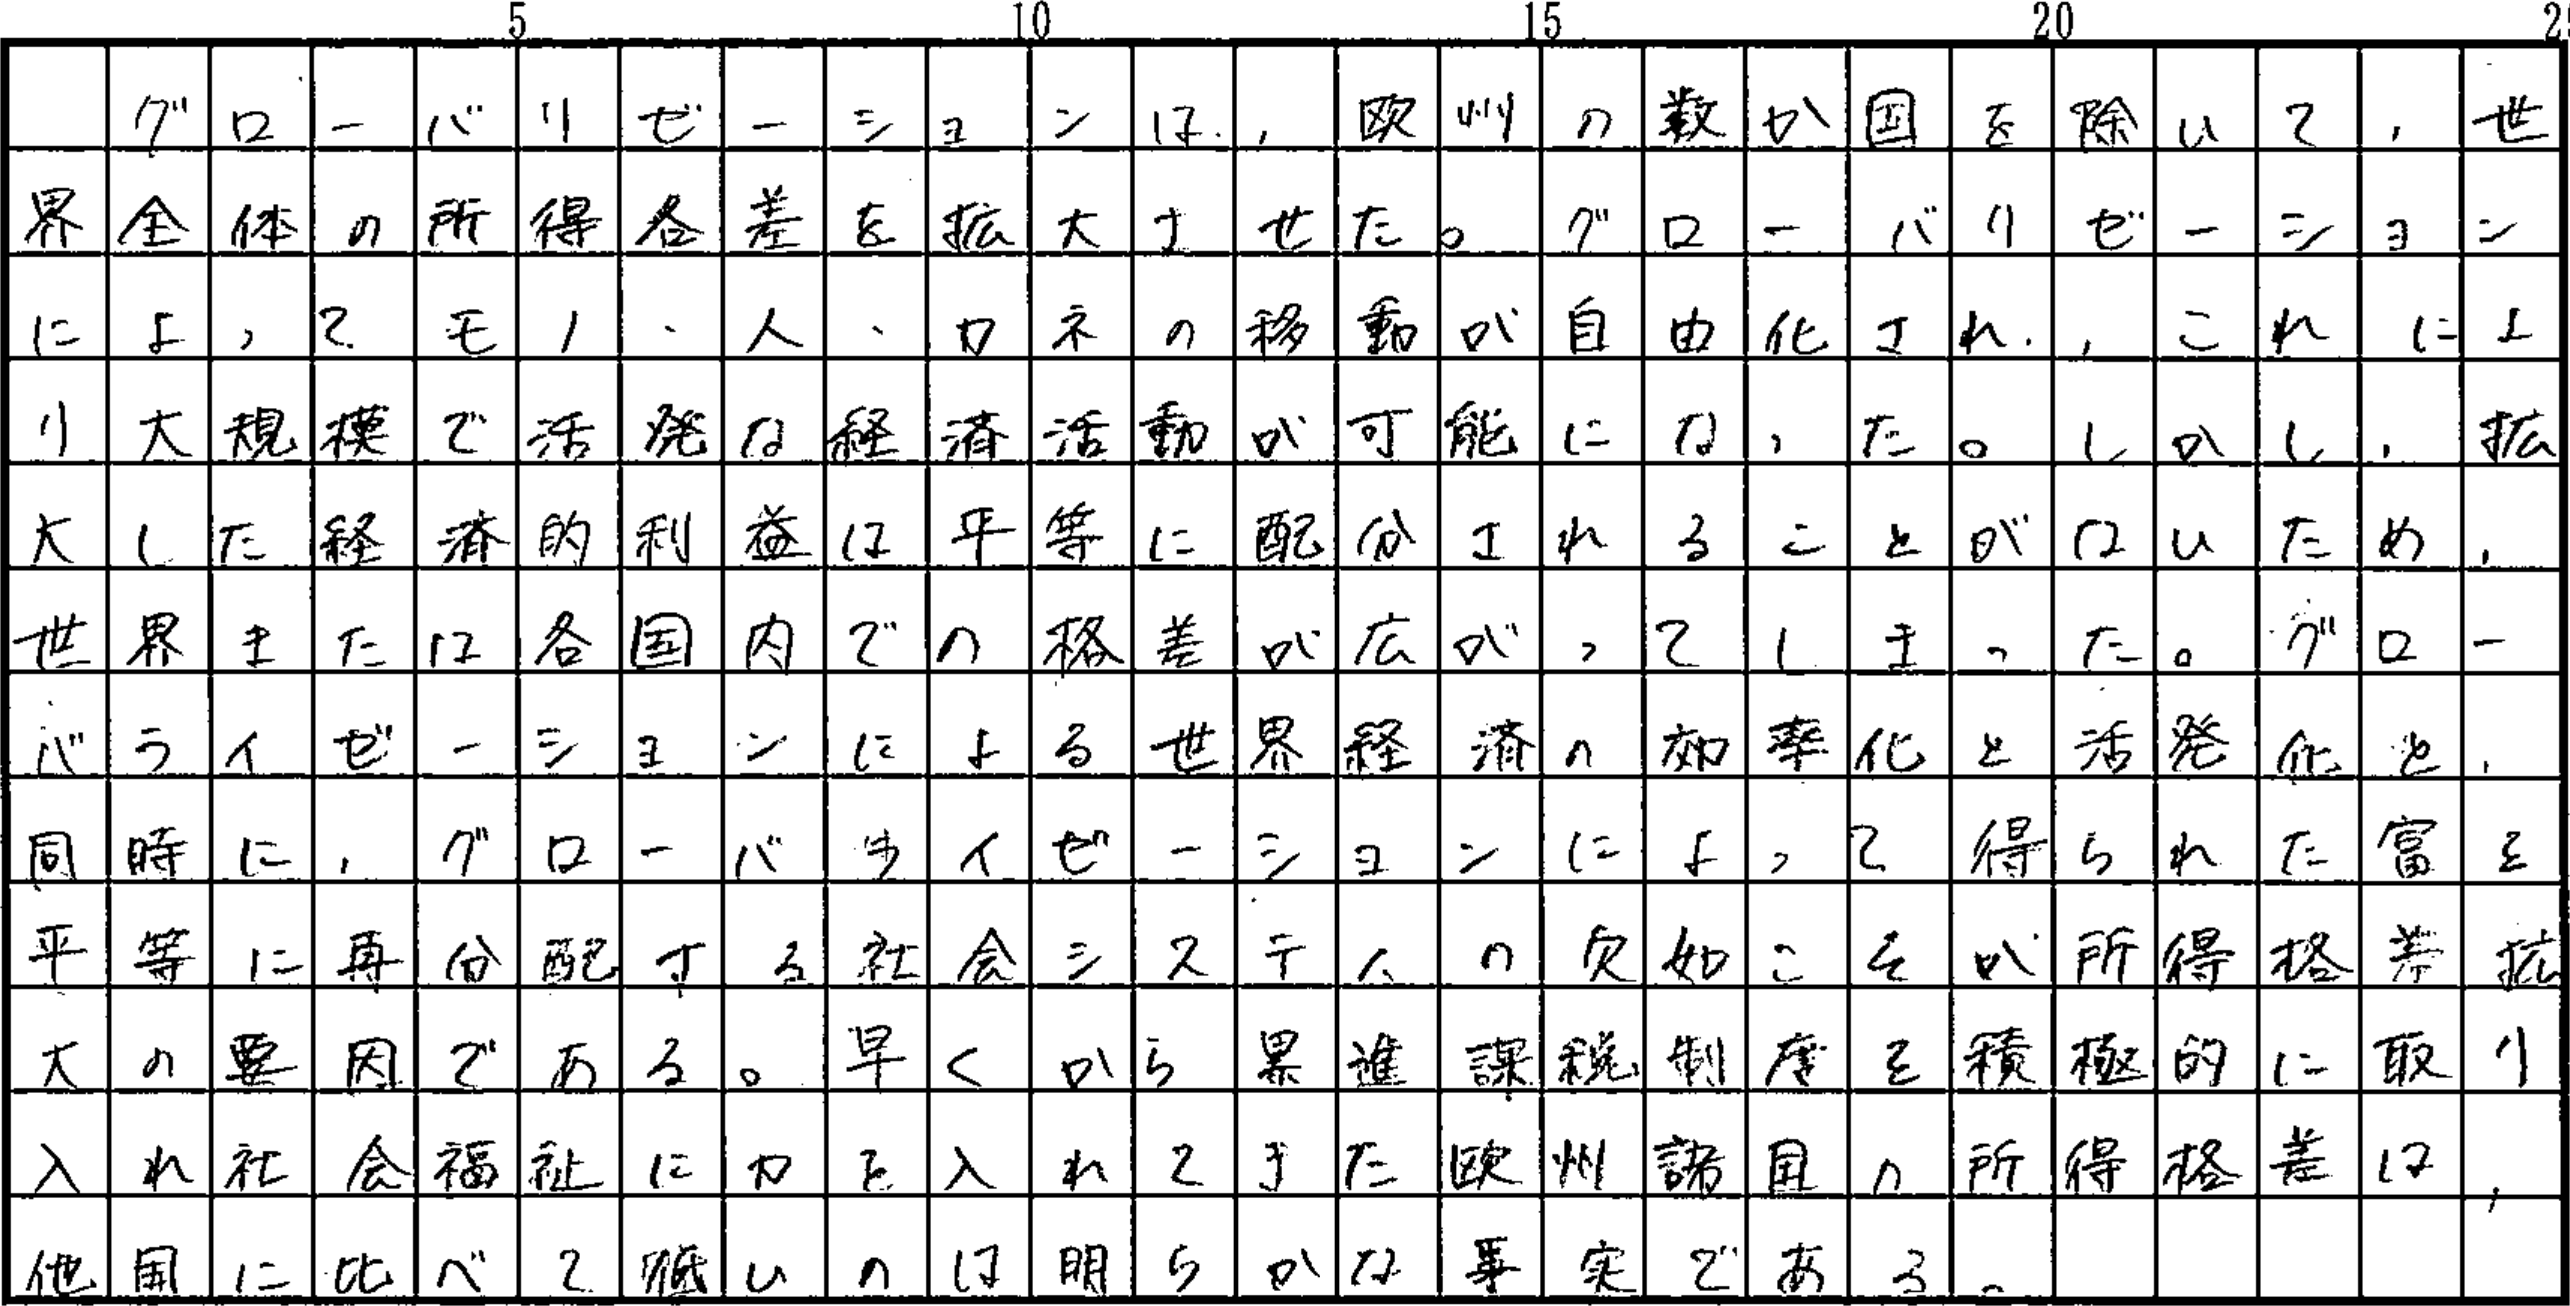　グローバリゼーションは、欧州の数か国を除いて、世界全体の所得各差を拡大させた。グローバリゼーションによってモノ・人・カネの移動が自由化され、これにより大規模で活発な経済活動が可能になった。しかし、拡大した経済的利益は平等に配分されることがないため、世界または各国内での格差が広がってしまった。グローバライゼーションによる世界経済の効率化と活発化と、同時に、グローバライゼーションによって得られた富を平等に再分配する社会システムの欠如こそが所得格差拡大の要因である。早くから累進課税制度を積極的に取り入れ社会福祉に力を入れてきた欧州諸国の所得格差は、他国に比べて低いのは明らかな事実である。
